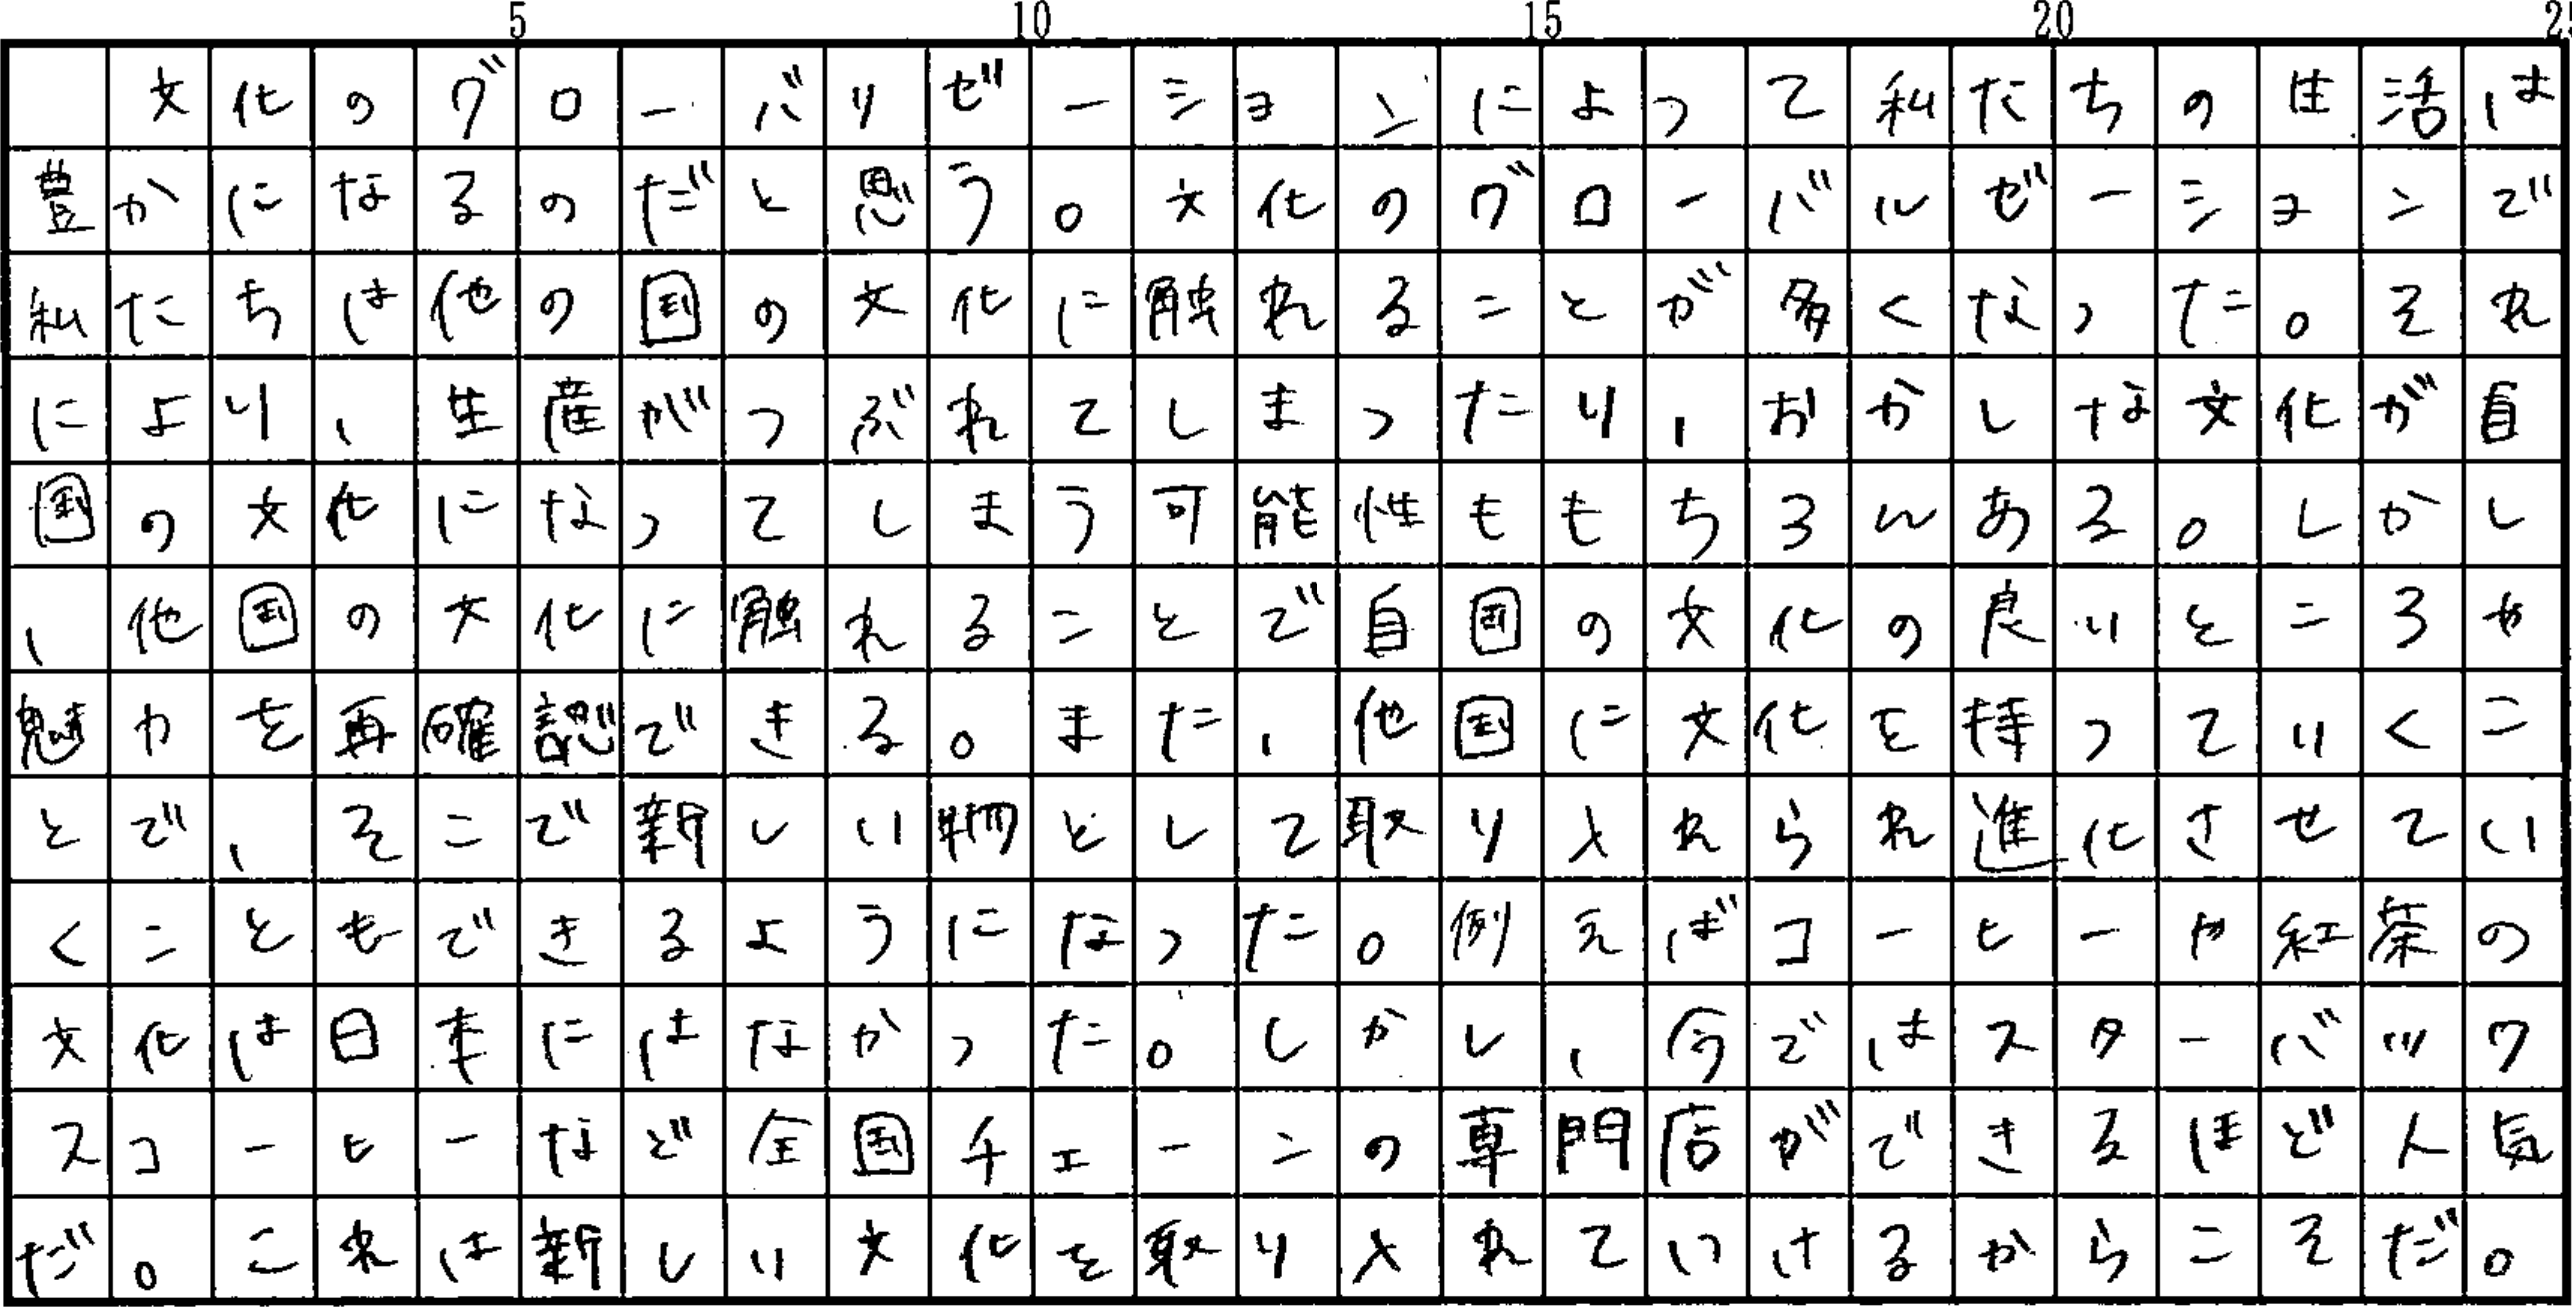　文化のグローバリゼーションによって私たちの生活は豊かになるのだと思う。文化のグローバルゼーションで私たちは他の国の文化に触れることが多くなった。それにより、生産がつぶれてしまったり、おかしな文化が自国の文化になってしまう可能性ももちろんある。しかし、他国の文化に触れることで自国の文化の良いところや魅力を再確認できる。また、他国に文化を持っていくことで、そこで新しい物として取り入れられ進化させていくこともできるようになった。例えばコーヒーや紅茶の文化は日本にはなかった。しかし、今ではスターバックスコーヒーなど全国チェーンの専門店ができるほど人気だ。これは新しい文化を取り入れていけるからこそだ。
